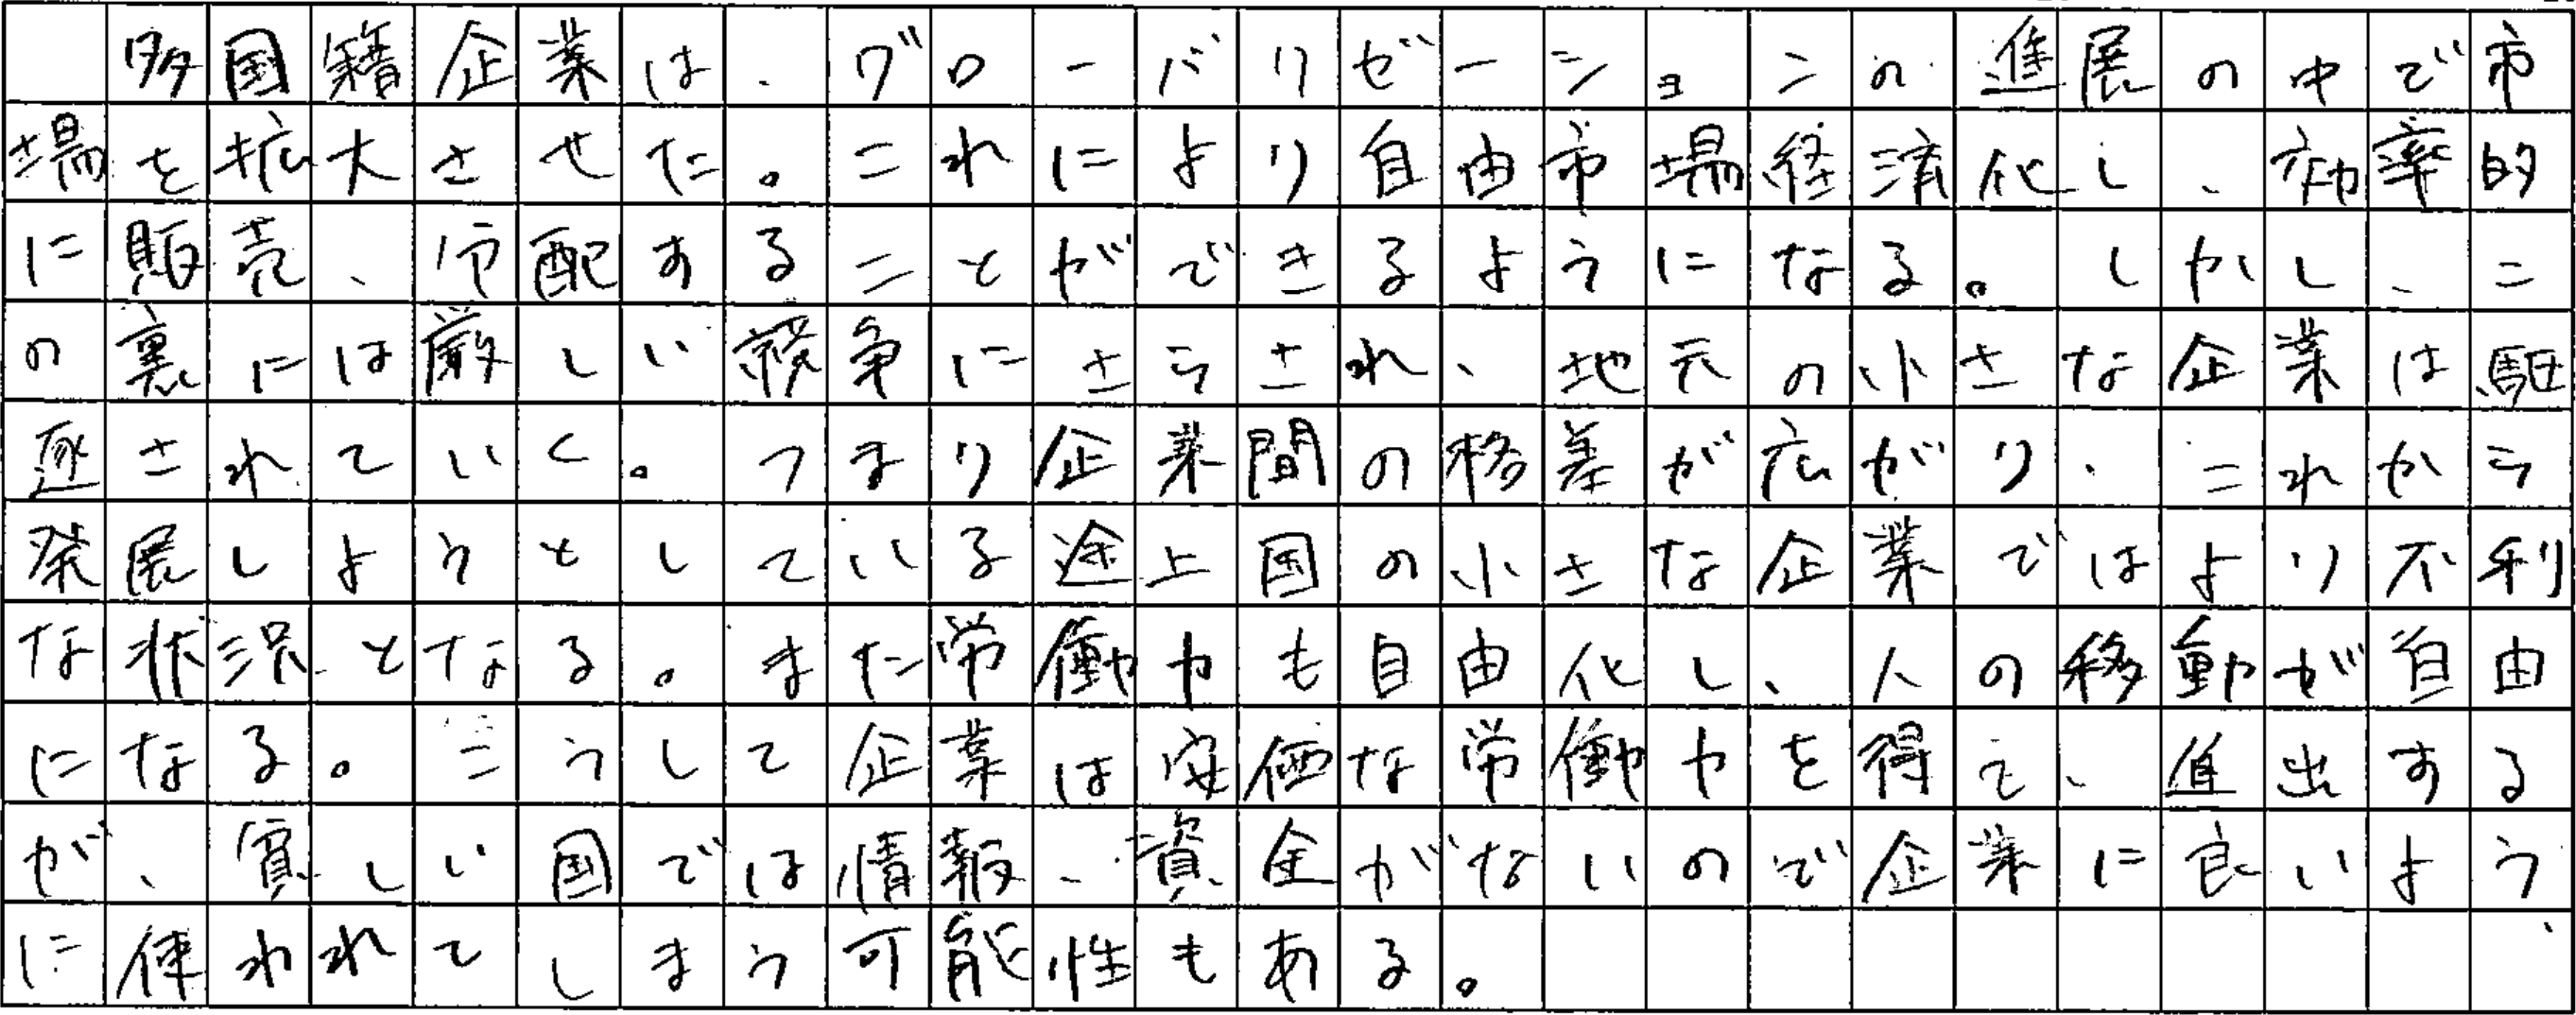　多国籍企業は、グローバリゼーションの進展の中で市場を拡大させた。これにより自由市場経済化し、効率的に販売、分配することができるようになる。しかし、この裏には厳しい▁争にさらされ、地元の小さな企業は駆逐されていく。つまり企業間の格差が広がり、これから発展しようとしている途上国の小さな企業ではより不利な状況となる。また労働力も自由化し、人の移動が自由になる。こうして企業は安価な労働力を得て、進出するが、貧しい国では情報、資金がないので企業に良いように使われてしまう可能性もある。
